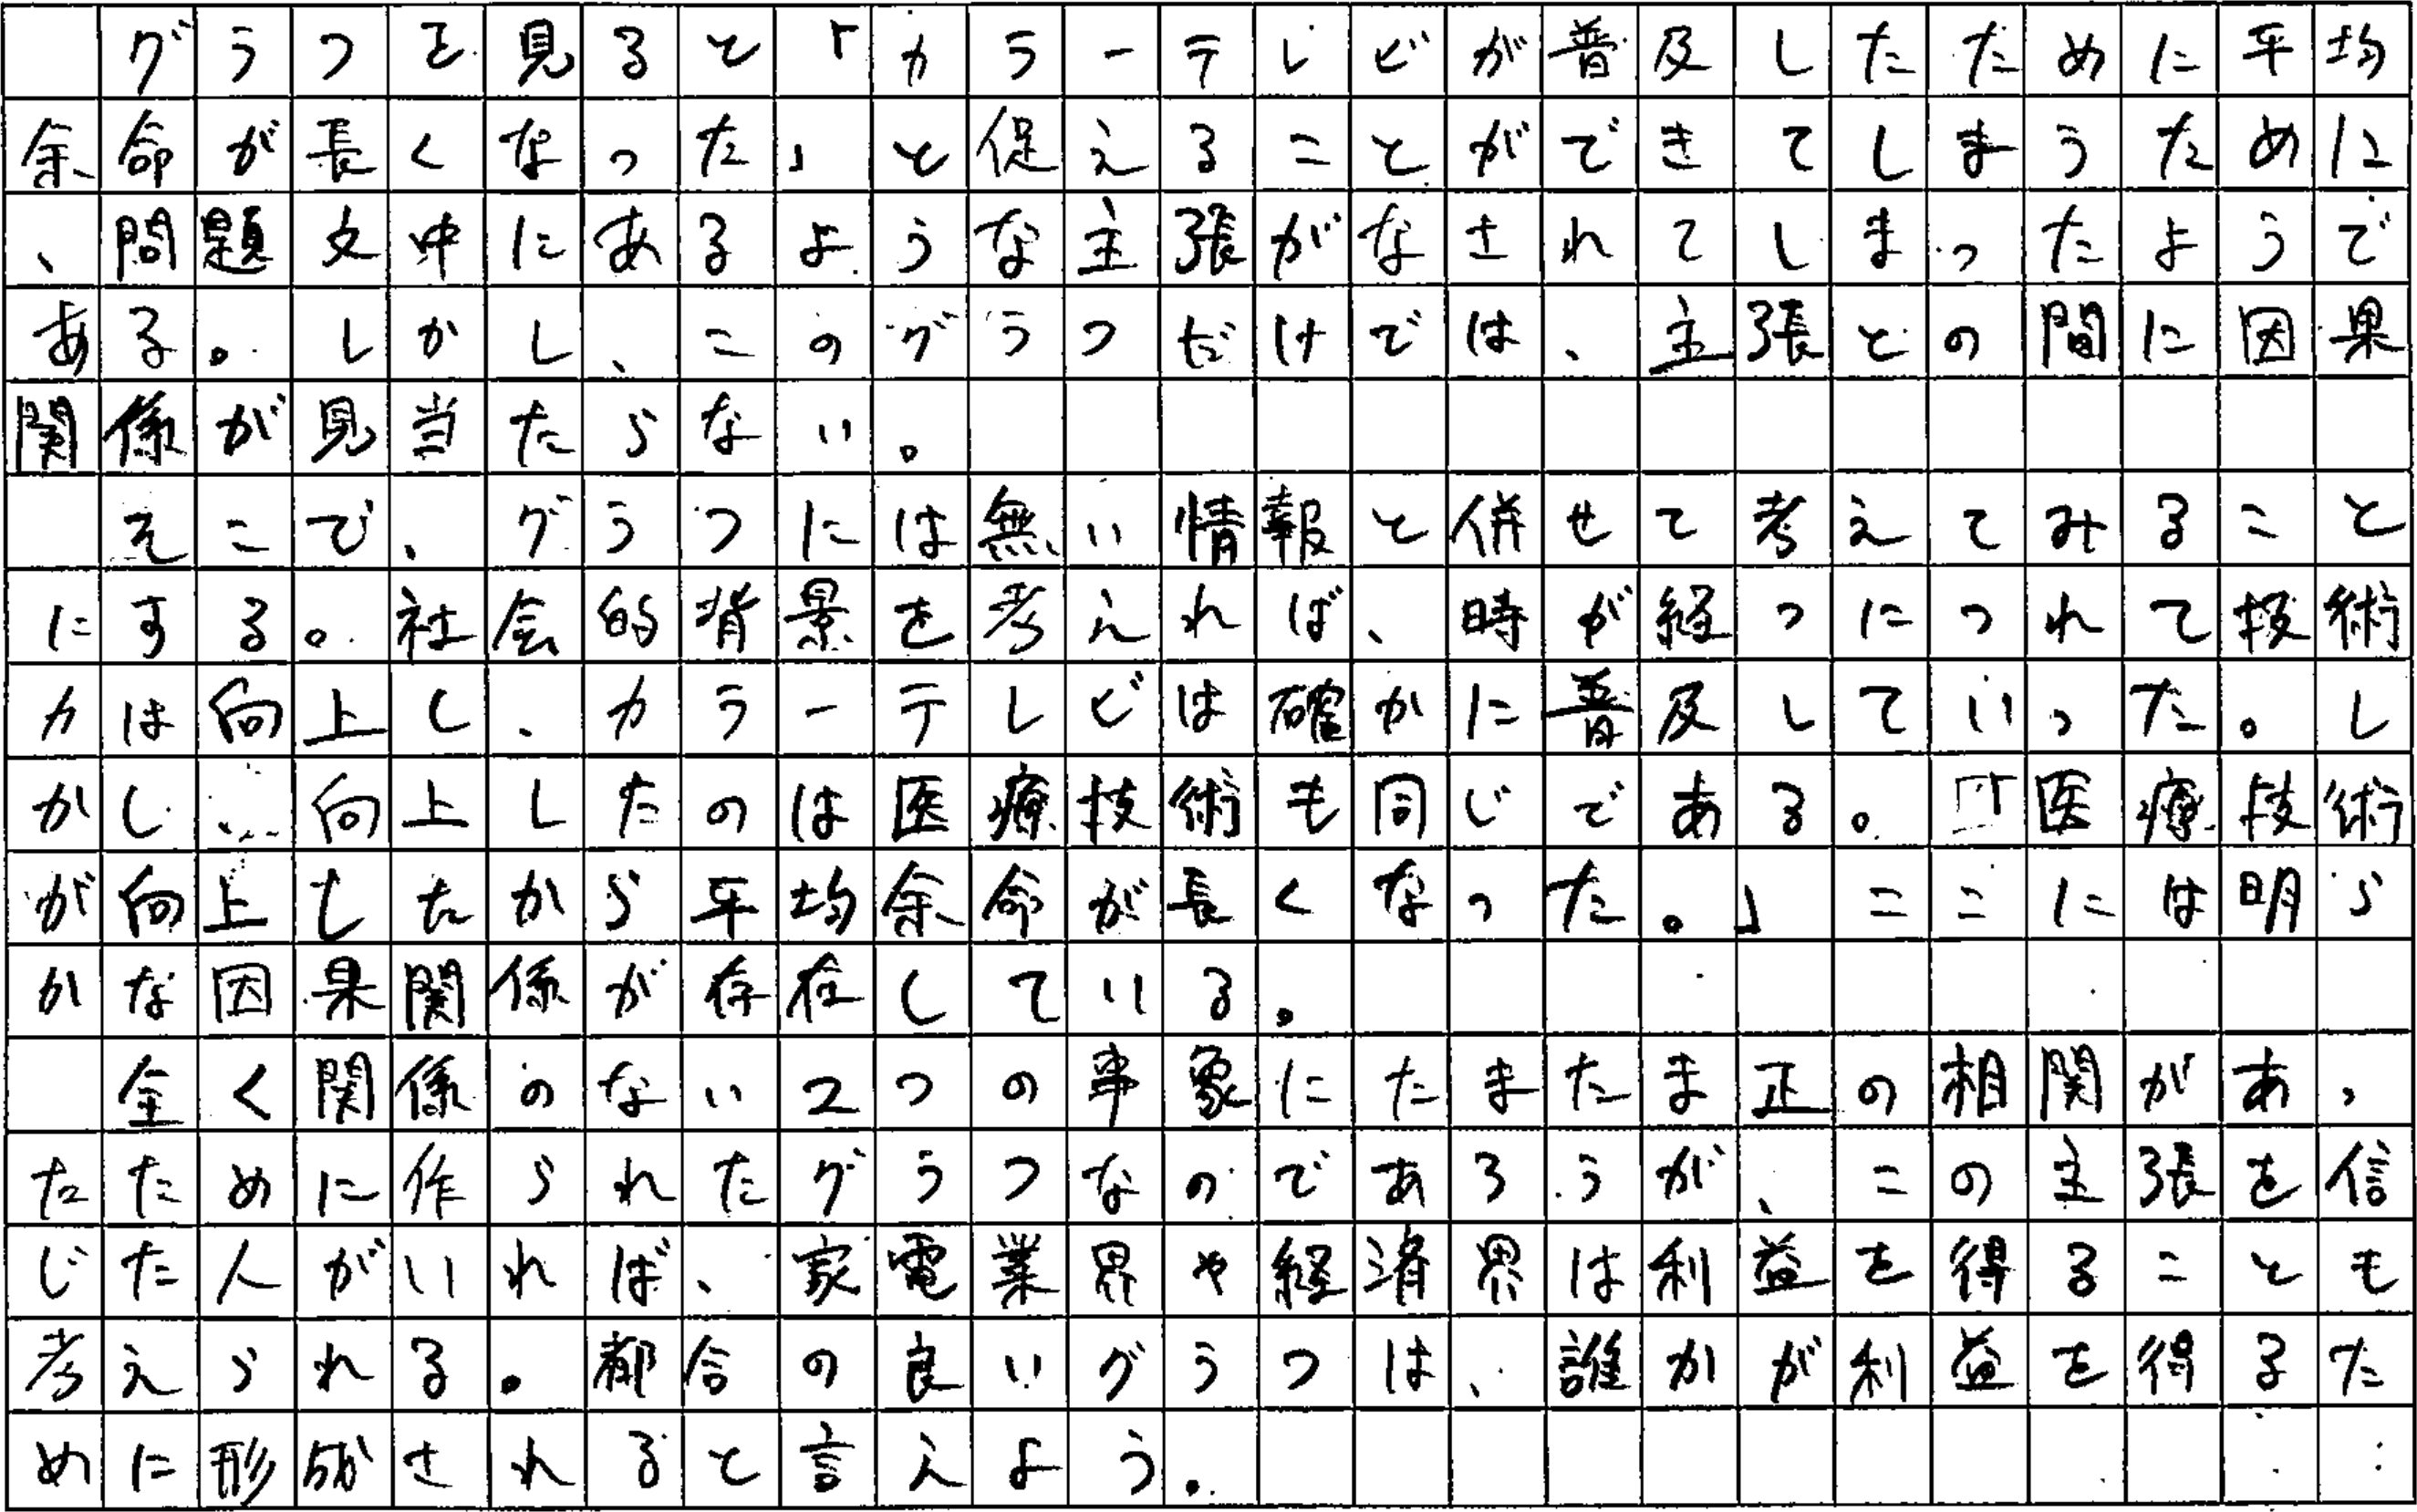　グラフを見ると「カラーテレビが普及したために平均余命が長くなった」と促えることができてしまうために、問題文中にあるような主張がなされてしまったようである。しかし、このグラフだけでは、主張との間に因果関係が見当たらない。
　そこで、グラフには無い情報と併せて考えてみることにする。社会的背景を考えれば、時が経つにつれて技術力は向上し、カラーテレビは確かに普及していった。しかし、向上したのは医療技術も同じである。「医療技術が向上したから平均余命が長くなった。」ここには明らかな因果関係が存在している。
　全く関係のない２つの事象にたまたま正の相関があったために作られたグラフなのであろうが、この主張を信じた人がいれば、家電業界や経済界は利益を得ることも考えられる。都合の良いグラフは、誰かが利益を得るために形成されると言えよう。
